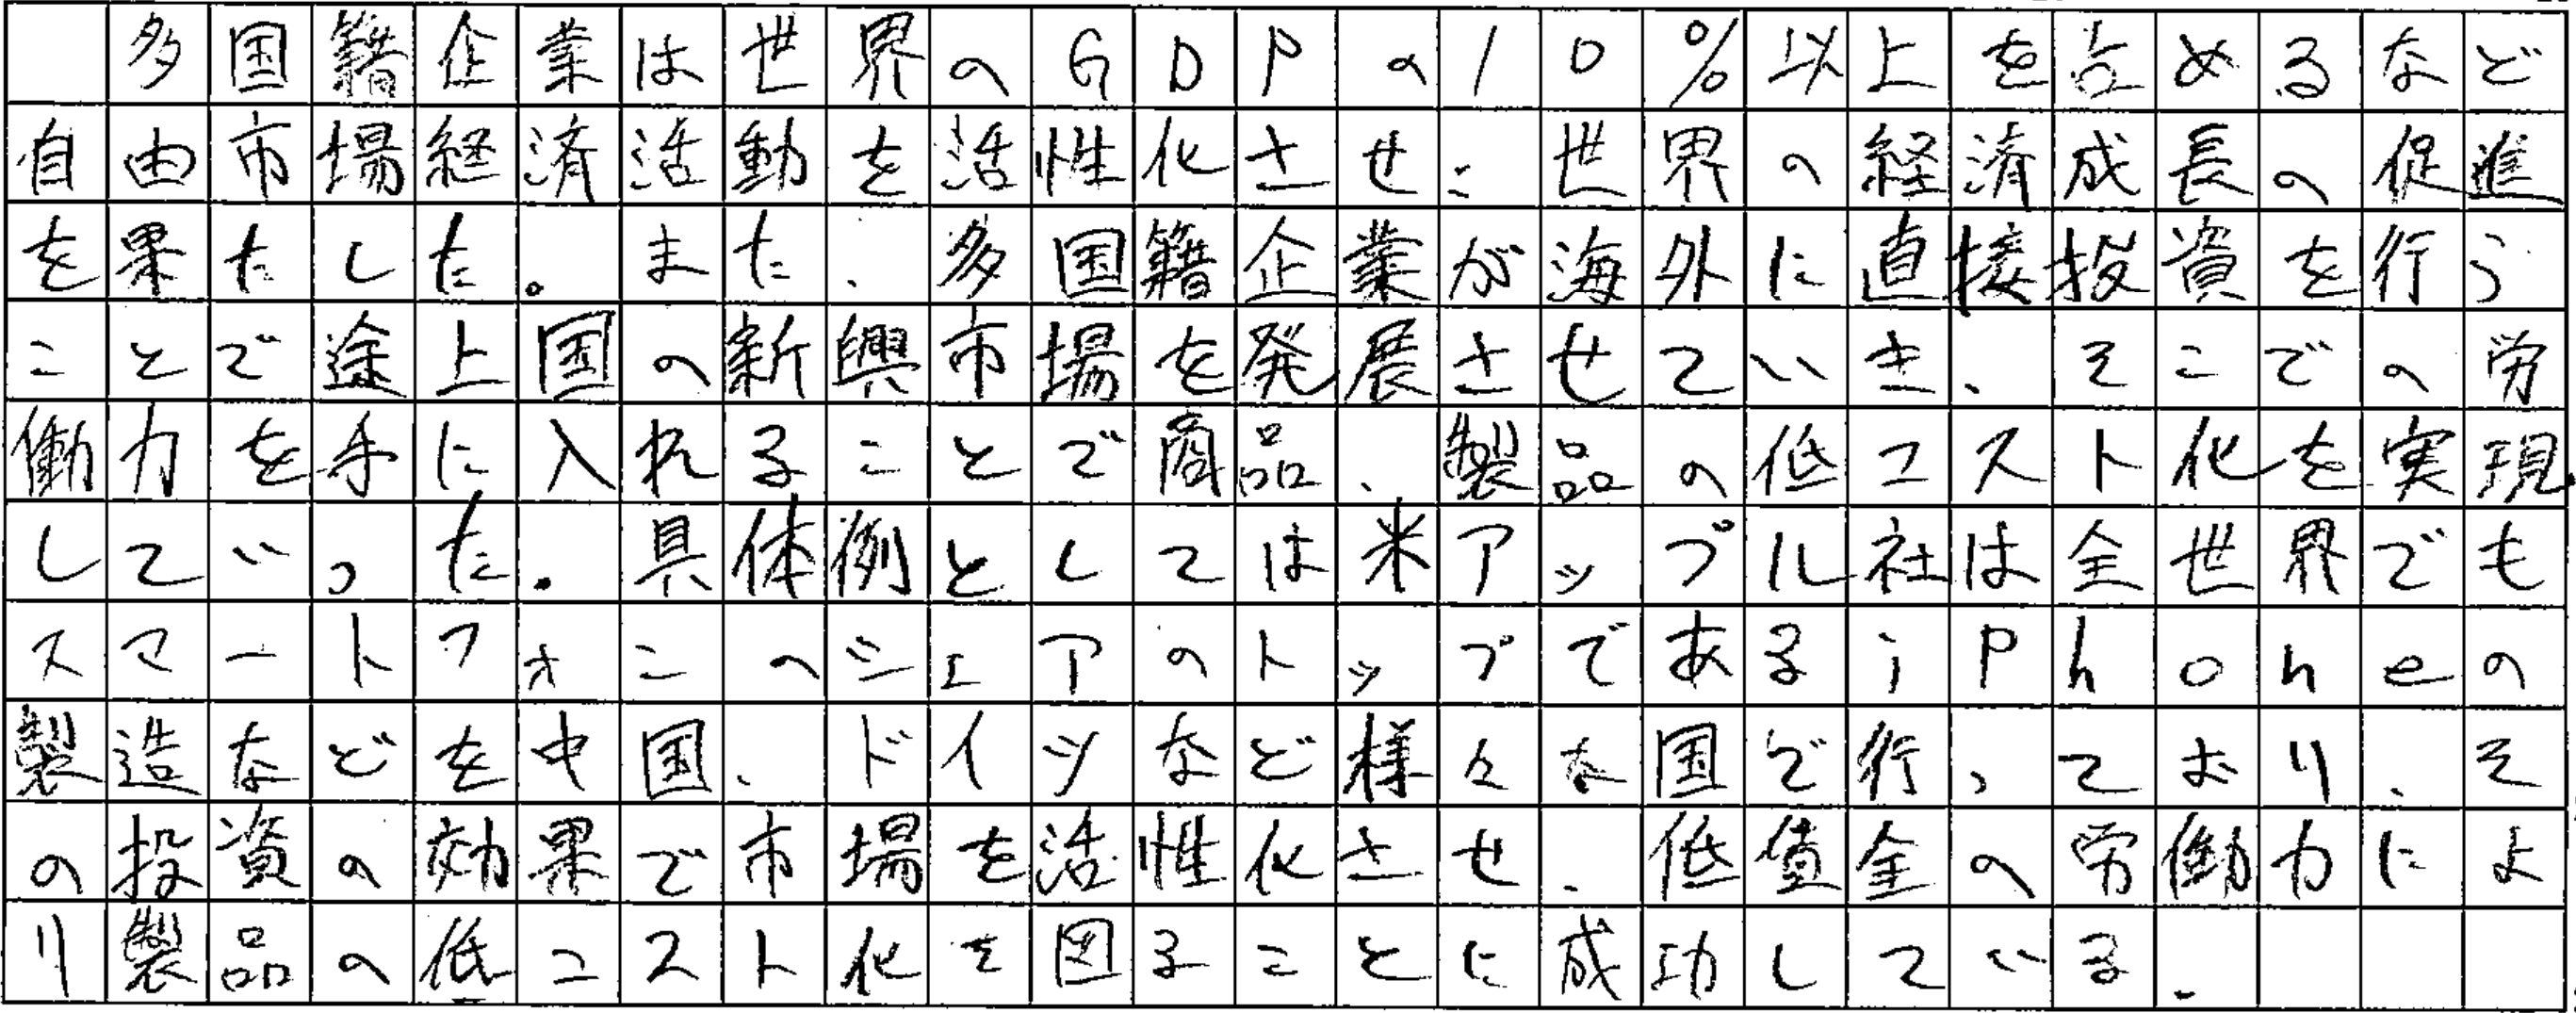　多国籍企業は世界のＧＤＰの１０％以上を占めるなど自由市場経済活動を活性化させ、世界の経済成長の促進を果たした。また、多国籍企業が海外に直接投資を行うことで途上国の新興市場を発展させていき、そこでの労働力を手に入れることで商品、製品の低コスト化を実現していった。具体例としては米アップル社は全世界でもスマートフォンのシェアのトップであるｉＰｈｏｎｅの製造などを中国、ドイツなど様々な国で行っており、その投資の効果で市場を活性化させ、低賃金の労働力により製品の低コスト化を図ることに成功している。
